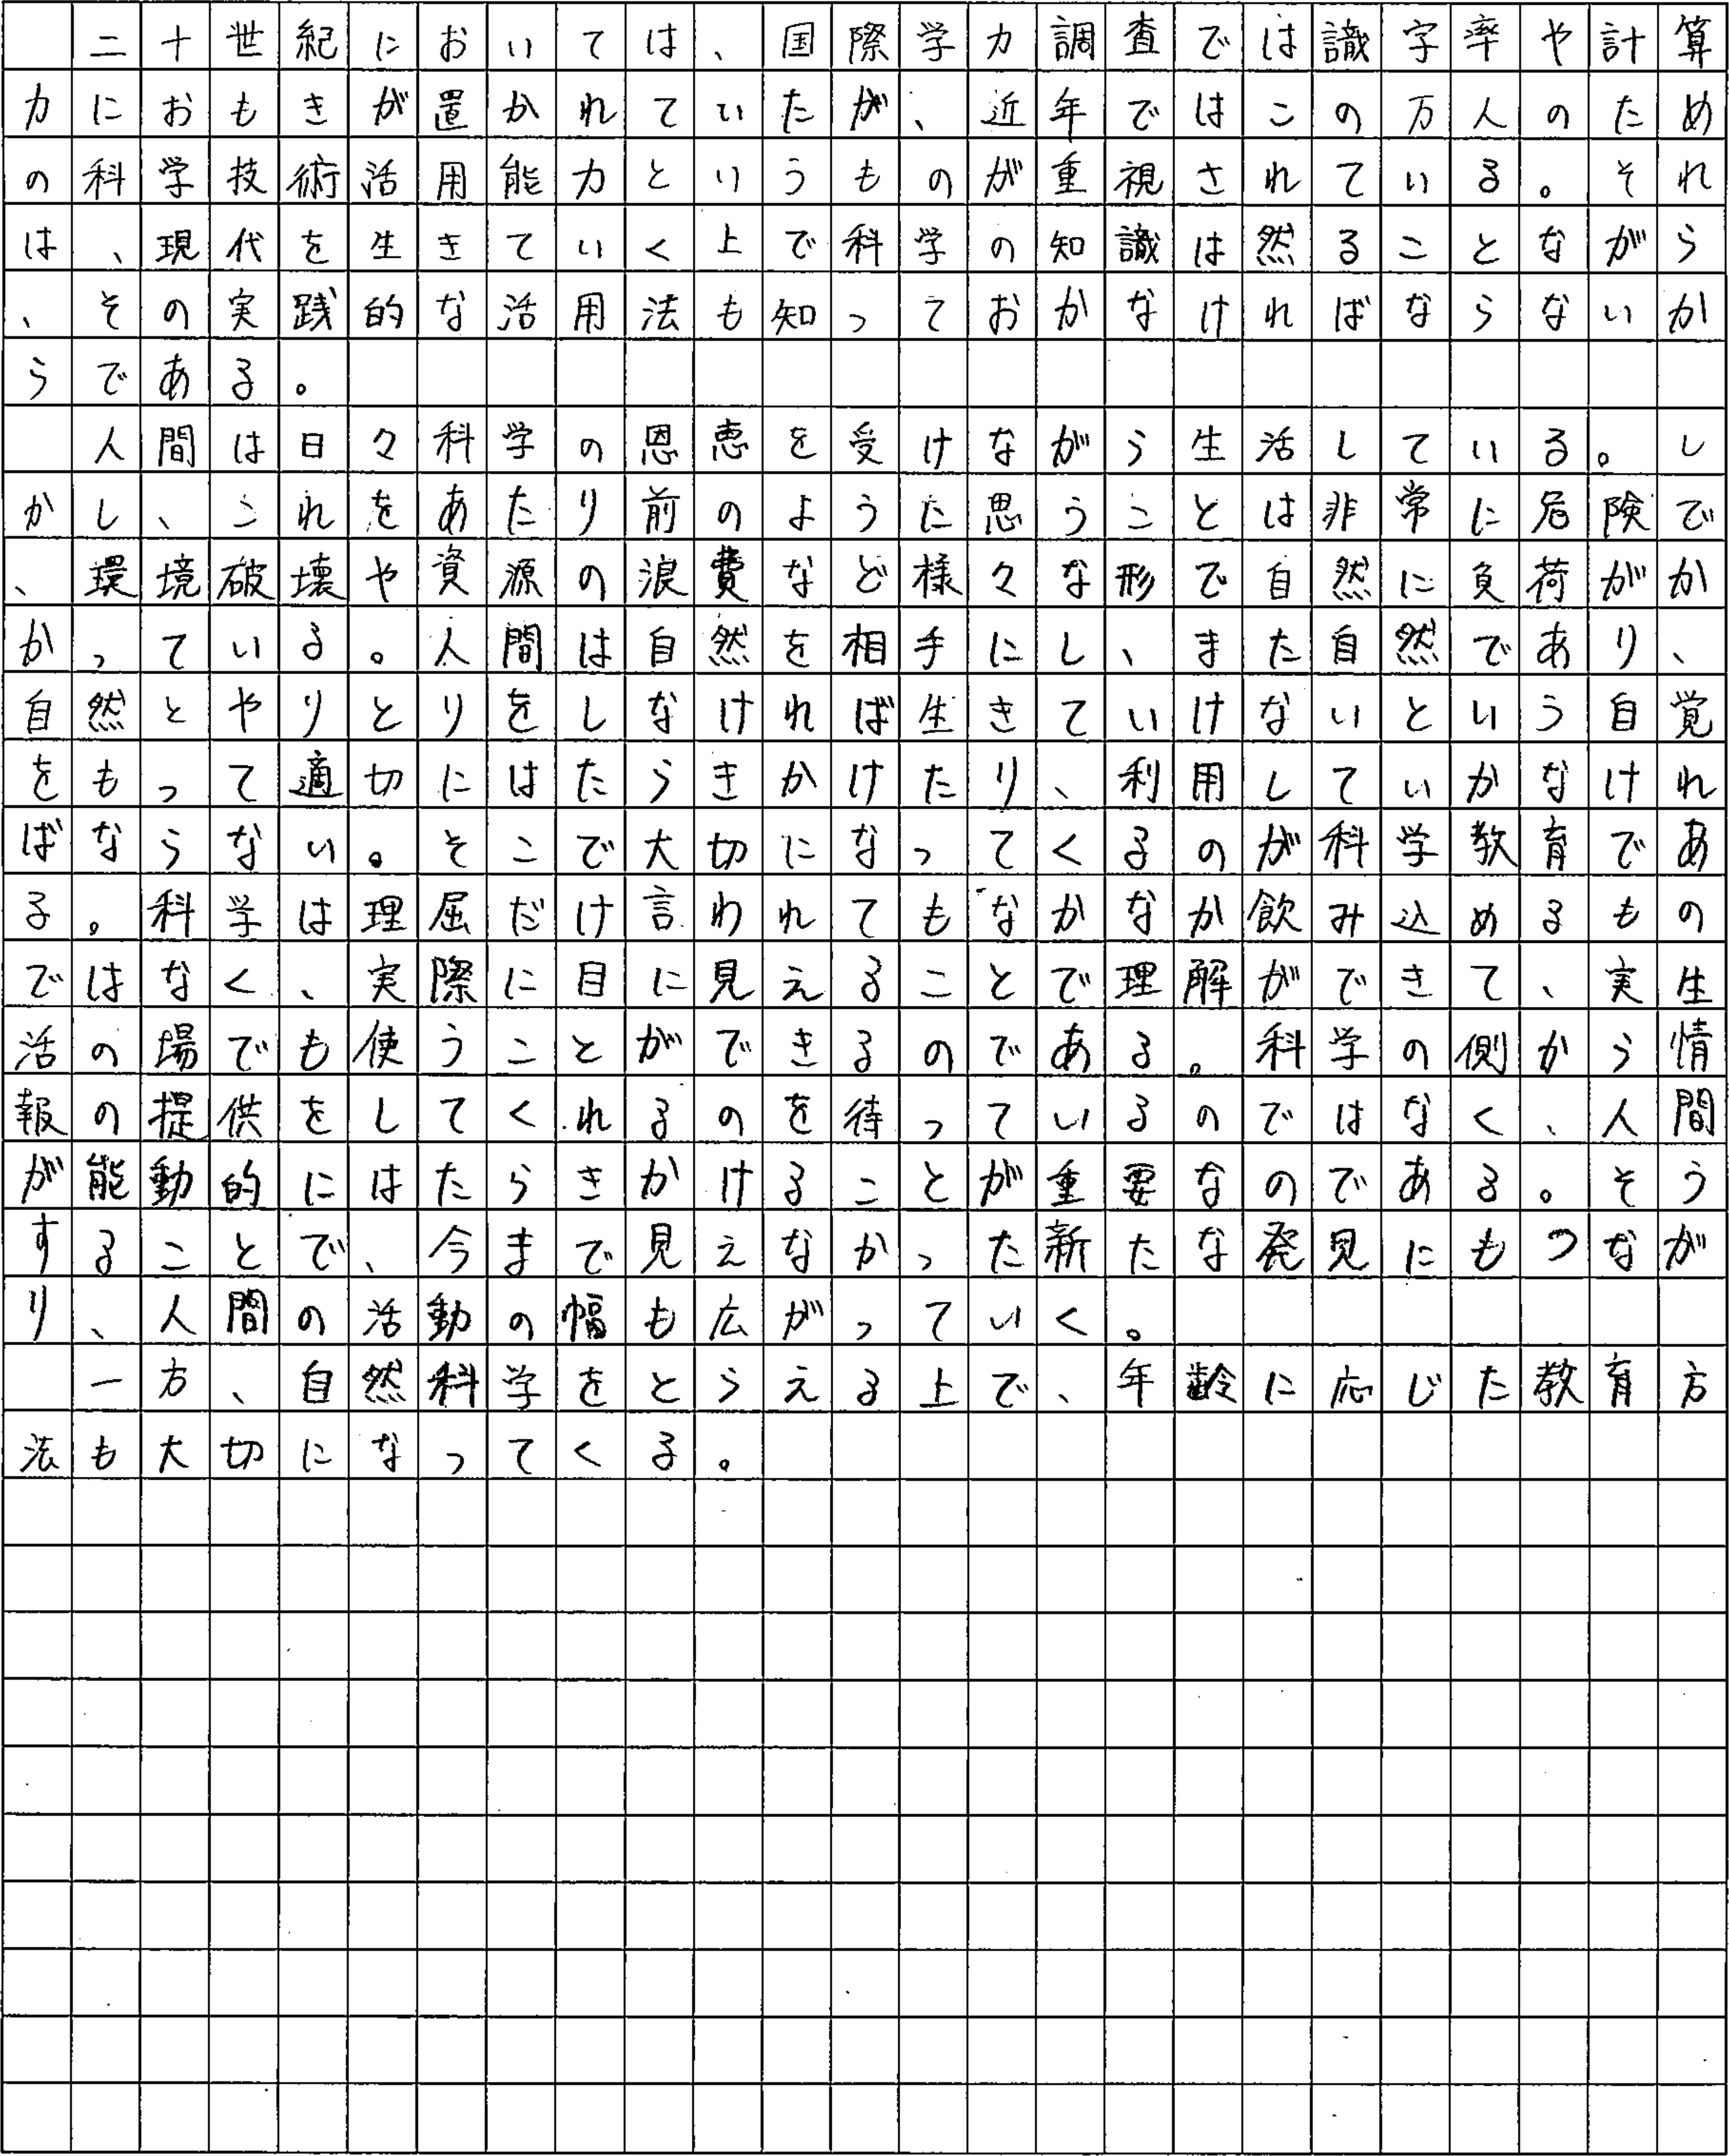　二十世紀においては、国際学力調査では識字率や計算力におもきが置かれていたが、近年ではこの万人のための科学技術活用能力というものが重視されている。それは、現代を生きていく上で科学の知識は然ることながら、その実践的な活用法も知っておかなければならないからである。
　人間は日々科学の恩恵を受けながら生活している。しかし、これをあたり前のように思うことは非常に危険で、環境破壊や資源の浪費など様々な形で自然に負荷がかかっている。人間は自然を相手にし、また自然であり、自然とやりとりをしなければ生きていけないという自覚をもって適切にはたらきかけたり、利用していかなければならない。そこで大切になってくるのが科学教育である。科学は理屈だけ言われてもなかなか飲み込めるものではなく、実際に目に見えることで理解ができて、実生活の場でも使うことができるのである。科学の側から情報の提供をしてくれるのを待っているのではなく、人間が能動的にはたらきかけることが重要なのである。そうすることで、今まで見えなかった新たな発見にもつながり、人間の活動の幅も広がっていく。
　一方、自然科学をとらえる上で、年齢に応じた教育方法も大切になってくる。
